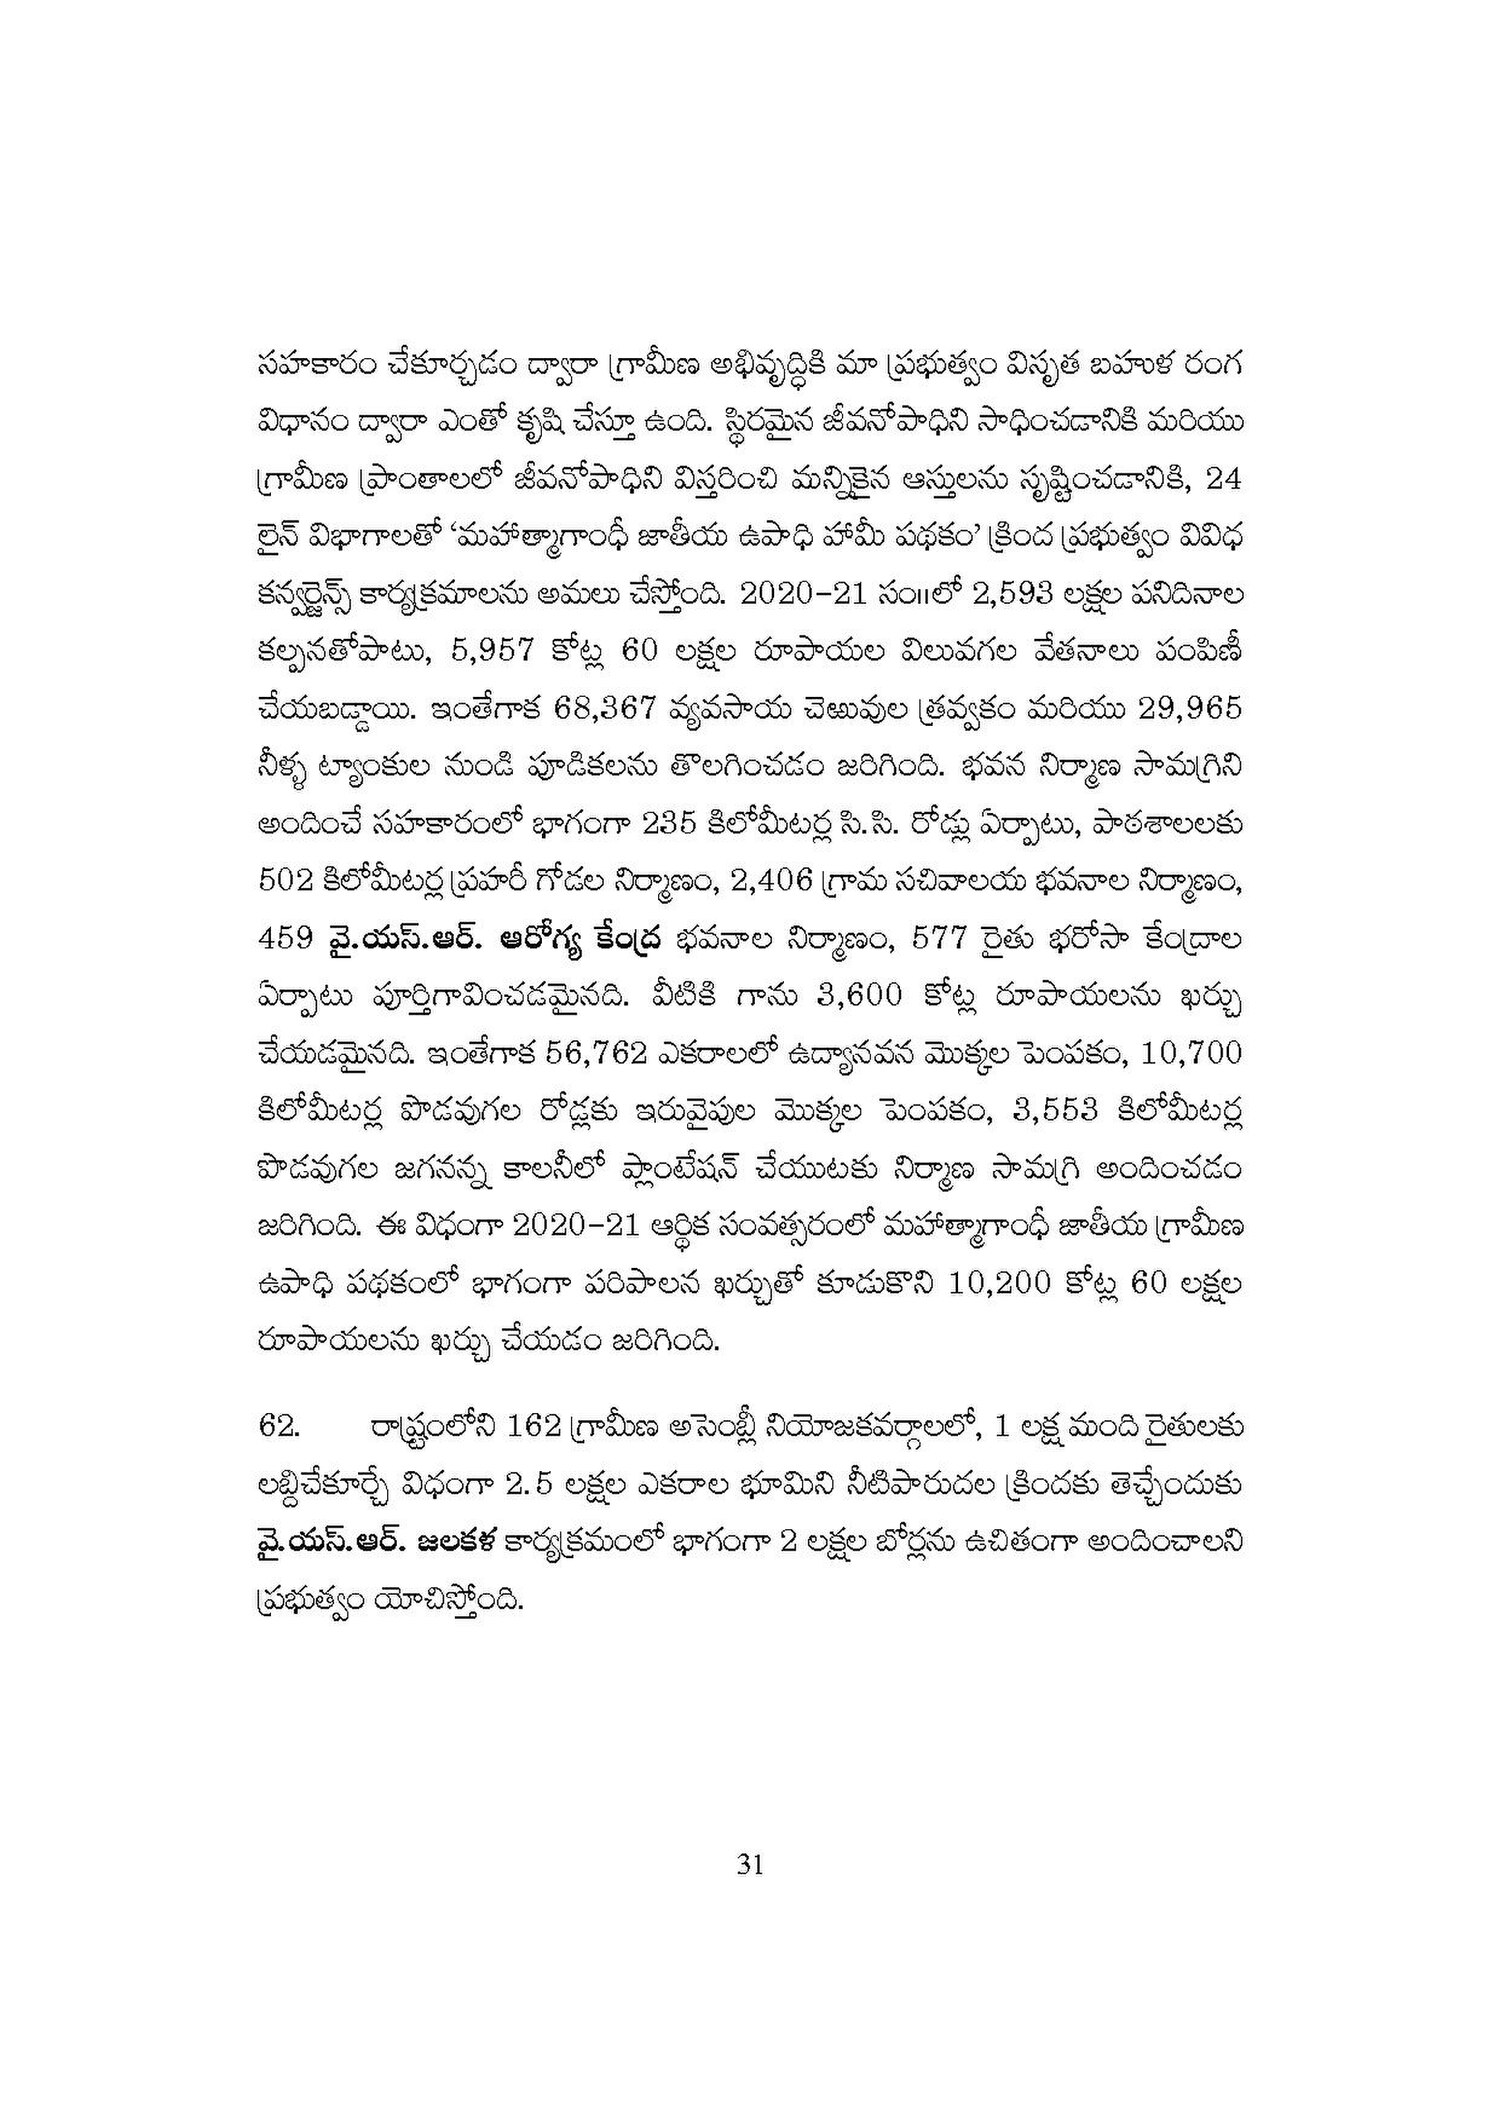సహకారం చేకూర్చడం ద్వారా గ్రామీణ అభివృద్ధికి మా ప్రభుత్వం విసృత బహుళ రంగ
విధానం ఎంతో కృషి చేస్తూ ఉంది. స్థిరమైన జీవనోపాధిని సాధించడానికి మరియు
గ్రామీణ ప్రాంతాలలో జీవనోపాధిని విస్తరించి మన్నికైన ఆస్తులను సృష్టించడానికి, 24
లైన్ విభాగాలతో 'మహాత్మాగాంధీ జాతీయ ఉపాధి హామీ పథకం' క్రింద ప్రభుత్వం వివిధ
కన్వర్జెన్స్ కార్యక్రమాలను అమలు చేస్తోంది. 2020-21 సం॥లో 2,593 లక్షల పనిదినాల
కల్పనతోపాటు, 5,957 కోట్ల 60 లక్షల రూపాయల విలువగల వేతనాలు పంపిణీ
చేయబడ్డాయి. ఇంతేగాక 68,367 వ్యవసాయ చెఱువుల త్రవ్వకం మరియు 29,965
నీళ్ళ ట్యాంకుల నుండి పూడికలను తొలగించడం జరిగింది. భవన నిర్మాణ సామగ్రిని
అందించే సహకారంలో భాగంగా 235 కిలోమీటర్ల సి.సి. రోడ్లు ఏర్పాటు, పాఠశాలలకు
502 కిలోమీటర్ల ప్రహరీ గోడల నిర్మాణం, 2,406 గ్రామ సచివాలయ భవనాల నిర్మాణం,
459 వై.యస్.ఆర్. ఆరోగ్య కేంద్ర భవనాల నిర్మాణం, 577 రైతు భరోసా కేంద్రాల
ఏర్పాటు పూర్తిగావించడమైనది. వీటికి గాను 3,600 కోట్ల రూపాయలను ఖర్చు
చేయడమైనది. ఇంతేగాక 56,762 ఎకరాలలో ఉద్యానవన మొక్కల పెంపకం, 10,700
కిలోమీటర్ల పొడవుగల రోడ్లకు ఇరువైపుల మొక్కల పెంపకం, 3,553 కిలోమీటర్ల
పొడవుగల జగనన్న కాలనీలో ప్లాంటేషన్ చేయుటకు నిర్మాణ సామగ్రి అందించడం
జరిగింది. ఈ విధంగా 2020-21 ఆర్థిక సంవత్సరంలో మహాత్మాగాంధీ జాతీయ గ్రామీణ
ఉపాధి పథకంలో భాగంగా పరిపాలన ఖర్చుతో కూడుకొని 10,200 కోట్ల 60 లక్షల
రూపాయలను ఖర్చు చేయడం జరిగింది.

62. రాష్ట్రంలోని 162 గ్రామీణ అసెంబ్లీ నియోజకవర్గాలలో, 1 లక్ష మంది రైతులకు
లబ్ధిచేకూర్చే విధంగా 2.5 లక్షల ఎకరాల భూమిని నీటిపారుదల క్రిందకు తెచ్చేందుకు
వై.యస్.ఆర్. జలకళ కార్యక్రమంలో భాగంగా 2 లక్షల బోర్లను ఉచితంగా అందించాలని
ప్రభుత్వం యోచిస్తోంది.